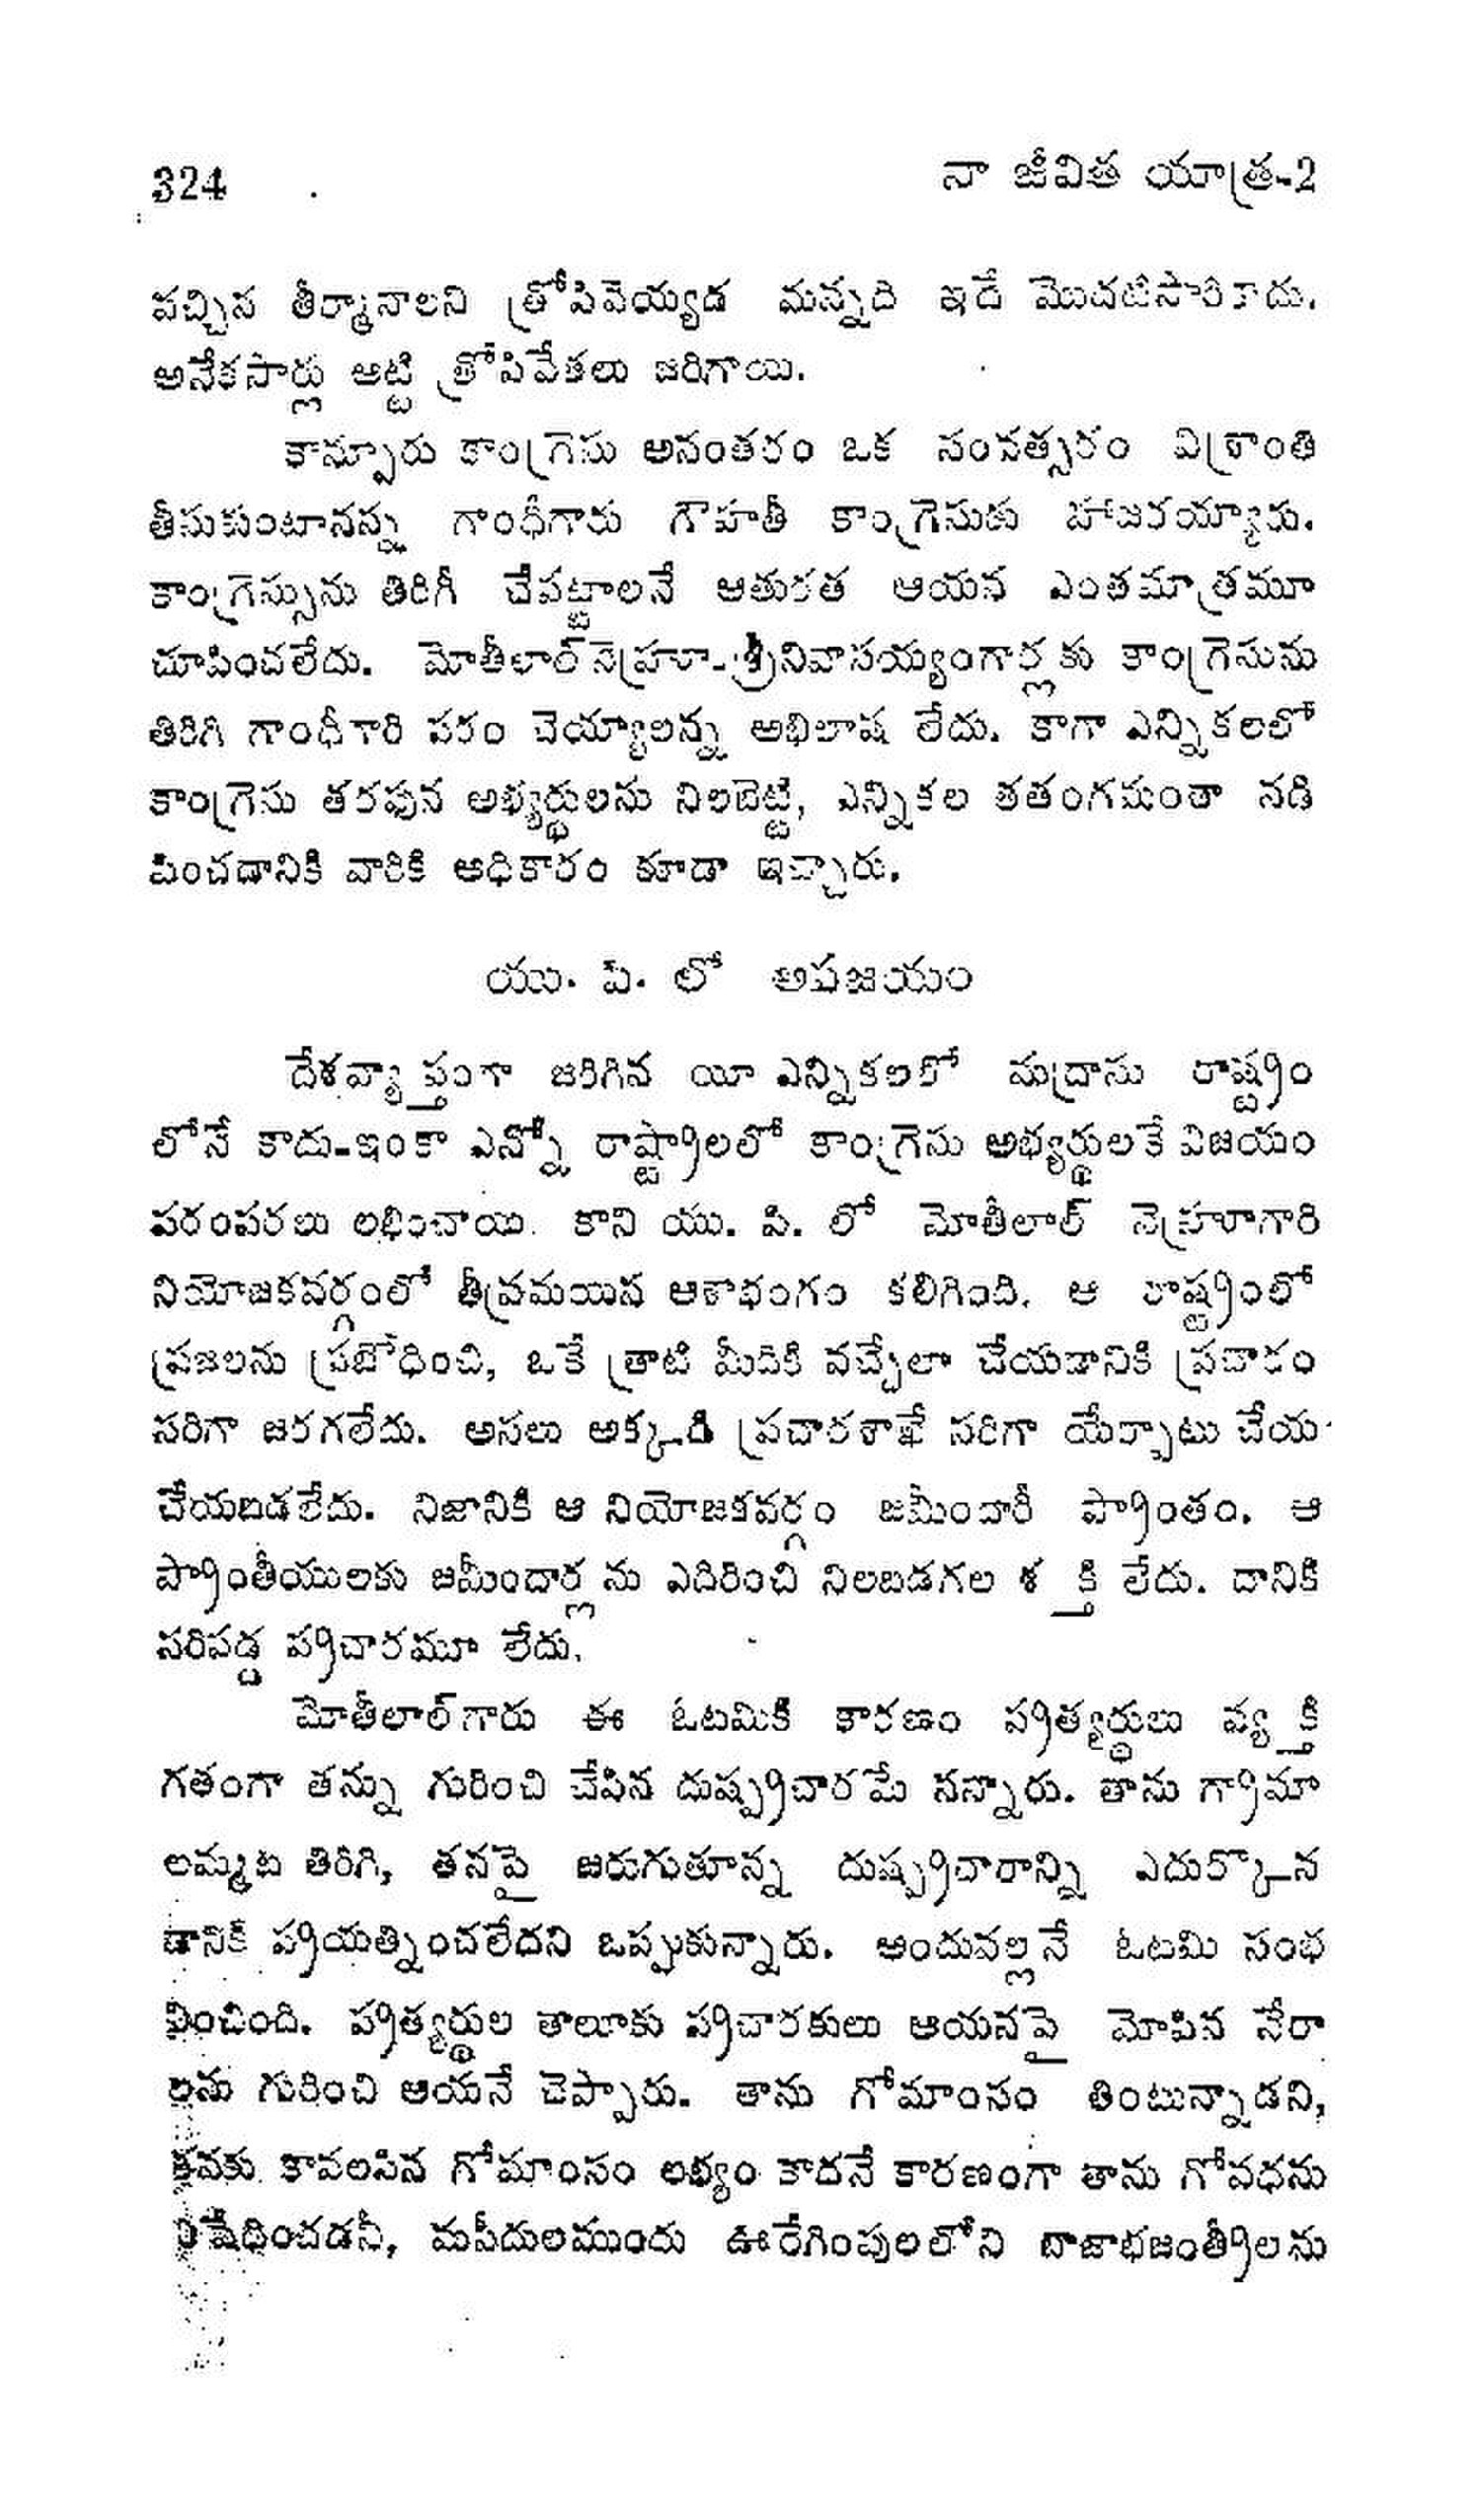వచ్చిన తీర్మానాలని త్రోసివెయ్యడ మన్నది ఇదే మొదటిసారికాదు., అనేకసార్లు అట్టి త్రోసివేతలు జరిగాయి.

కాన్పూరు కాంగ్రెసు అనంతరం ఒక సంవత్సరం విశ్రాంతి తీసుకుంటానన్న గాంధీగారు గౌహతీ కాంగ్రెసుకు హాజరయ్యారు. కాంగ్రెసును తిరిగీ చేపట్టాలనే ఆతురత ఆయన ఎంతమాత్రమూ చూపించలేదు. మోతిలాల్ నెహ్రూ-శ్రీనివాసయ్యంగార్లకు కాంగ్రెసును తిరిగి గాంధీగారి పరం చేయ్యాలన్న అభిలాష లేదు. కాగా ఎన్నికలలో కాంగ్రెసు తరపున అభ్యర్థులను నిలబెట్టి, ఎన్నికల తతంగమంతా నడిపించడానికి వారికి అధికారం కూడా ఇచ్చారు.

దేశవ్యాప్తంగా జరిగిన యీ ఎన్నికలలో మద్రాసు రాష్ట్రంలోనే కాదు-ఇంకా ఎన్నో రాష్ట్రాలలో కాంగ్రెసు అభ్యర్థులకే విజయం పరంపరలు లభించాయి. కాని యు. పి. లో మోతిలాల్ నెహ్రూగారి నియోజకవర్గంలో తీవ్రమయిన ఆశాభంగం కలిగింది. ఆ రాష్ట్రంలో ప్రజలను ప్రబోధించి, ఒకే త్రాటి మీదకి వచ్చేలా చేయడానికి ప్రచారం సరిగా జరగలేదు. అసలు అక్కడి ప్రచారశాఖే సరిగా యేర్పాటు చేయ చేయబడలేదు. నిజానికి ఆ నియోజకవర్గం జమీందారీ ప్రాంతం. ఆ ప్రాంతీయులకు జమీందార్లను ఎదిరించి నిలబడగల శక్తి లేదు. దానికి సరిపడ్డ ప్రచారమూ లేదు.

మోతిలాల్‌గారు ఈ ఓటమికి కారణం ప్రత్యర్థులు వ్యక్తి గతంగా తన్ను గురించి చేసిన దుష్ప్రచారమే నన్నారు. తాను గ్రామాలమ్మట తిరిగి, తనపై జరుగుతూన్న దుష్ప్రచారాన్ని ఎదుర్కొనడానికి ప్రయత్నించలేదని ఒప్పుకున్నారు. అందువల్లనే ఓటమి సంభవించింది. ప్రత్యర్థుల తాలూకు ప్రచారకులు ఆయనపై మోపిన నేరాలను గురించి ఆయనే చెప్పారు. తాను గోమాంసం తింటున్నాడని, తనకు కావలసిన గోమాంసం లభ్యం కాదనే కారణంగా తాను గోవధను నిషేధించడనీ, మసీదులముందు ఊరేగింపులలోని బాజాభజంత్రీలను